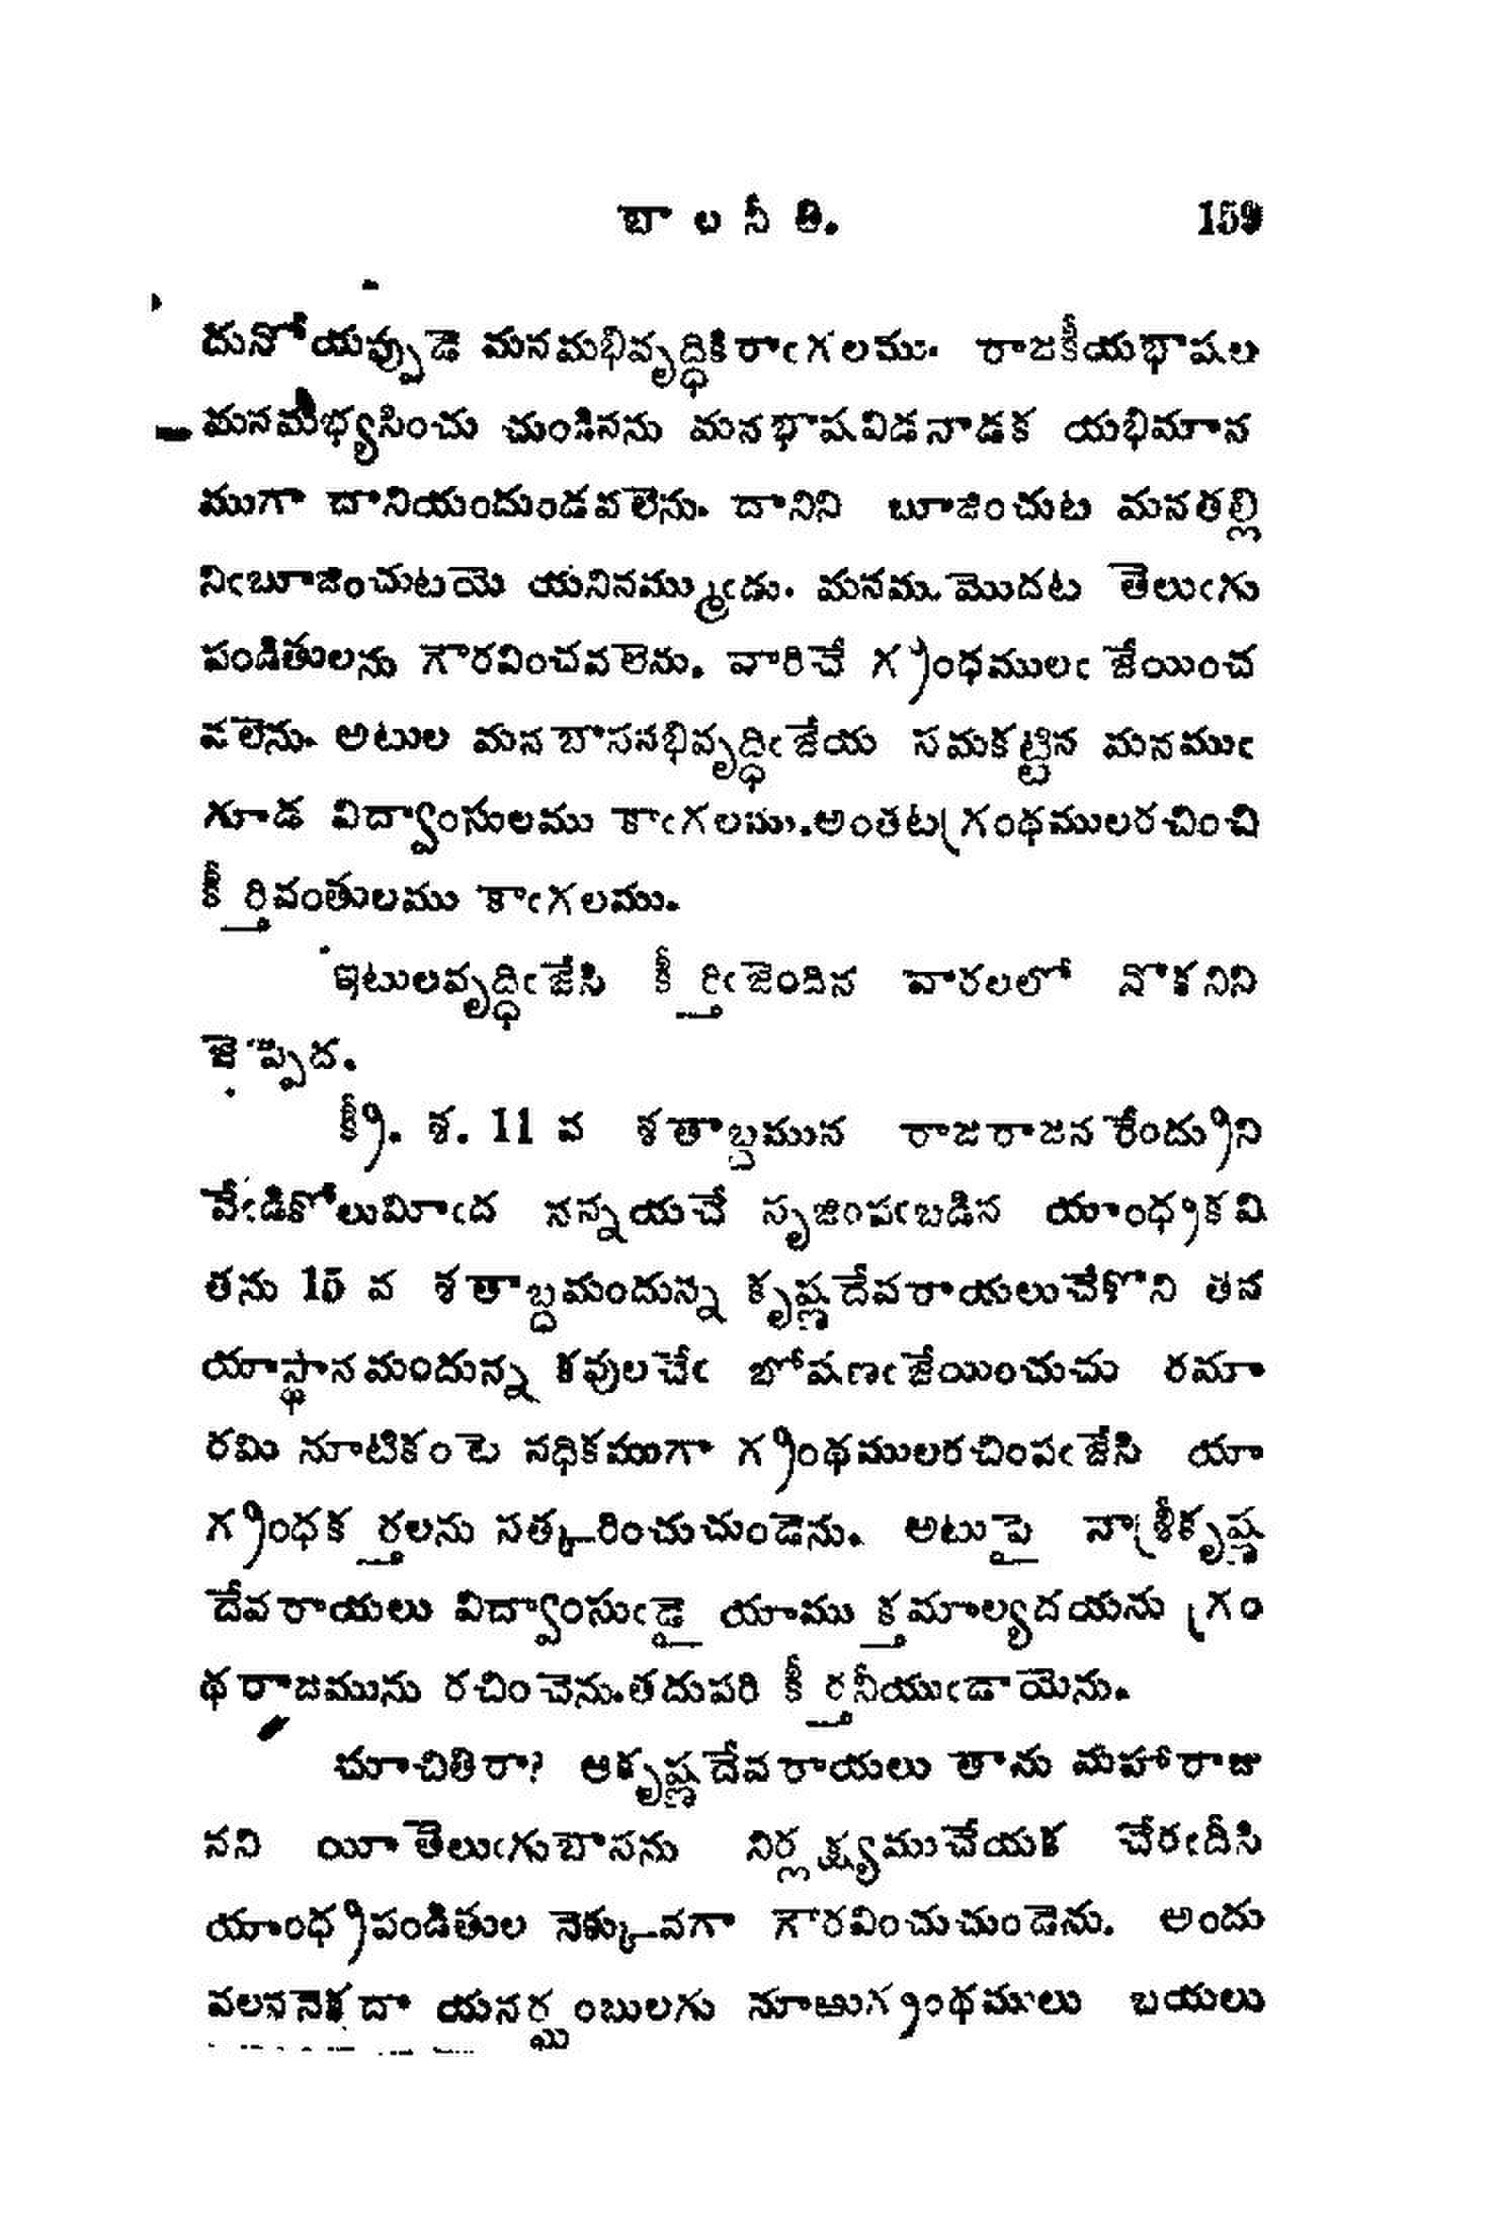దునోయప్పుడె మనమభివృద్ధికిరాఁగలము. రాజకీయభాషల 
మనమభ్యసించు చుండినను మనభాషవిడనాడక యభిమాన
ముగా దానియందుండవలెను. దానిని బూజించుట మనతల్లి
నిఁబూజించుటయె యనినమ్ముఁడు. మనము మొదట తెలుఁగు 
పండితులను గౌరవించవలెను. వారిచే గ్రంధములఁ జేయించ
వలెను. అటుల మనబాసనభివృద్ధిఁజేయ సమకట్టిన మనముఁ
గూడ విద్వాంసులము కాఁగలము. అంతటగ్రంథములరచించి 
కీర్తివంతులము కాఁగలము.

ఇటులవృద్ధిఁజేసి కీర్తిఁజెందిన వారలలో నొకనిని 
జెప్పద.

క్రీ. శ. 11 వ శతాబ్దమున రాజరాజనరేంద్రుని 
వేఁడికోలుమీఁద నన్నయచే సృజింపఁబడిన యాంధ్రకవి
తను 15 వ శతాబ్దమందున్న కృష్ణదేవరాయలుచేకొని తన 
యాస్థానమందున్న కవులచేఁ బోషణఁజేయించుచు రమా
రమి నూటికంటె నధికముగా గ్రంథములరచింపఁజేసి యా
గ్రంధకర్తలను సత్కరించుచుండెను. అటుపై నాశ్రీకృష్ణ
దేవరాయలు విద్వాంసుఁడై యాముక్తమాల్యదయను గ్రం
థరాజమును రచించెను. తదుపరి కీర్తనీయుఁడాయెను. 

చూచితిరా? ఆకృష్ణదేవరాయలు తాను మహారాజు 
నని యీతెలుఁగుబాసను నిర్లక్ష్యముచేయక చేరఁదీసి 
యాంధ్రపండితుల నెక్కువగా గౌరవించుచుండెను. అందు
వలనెకదా యనర్ఘంబులగు నూఱుగ్రంథములు బయలు